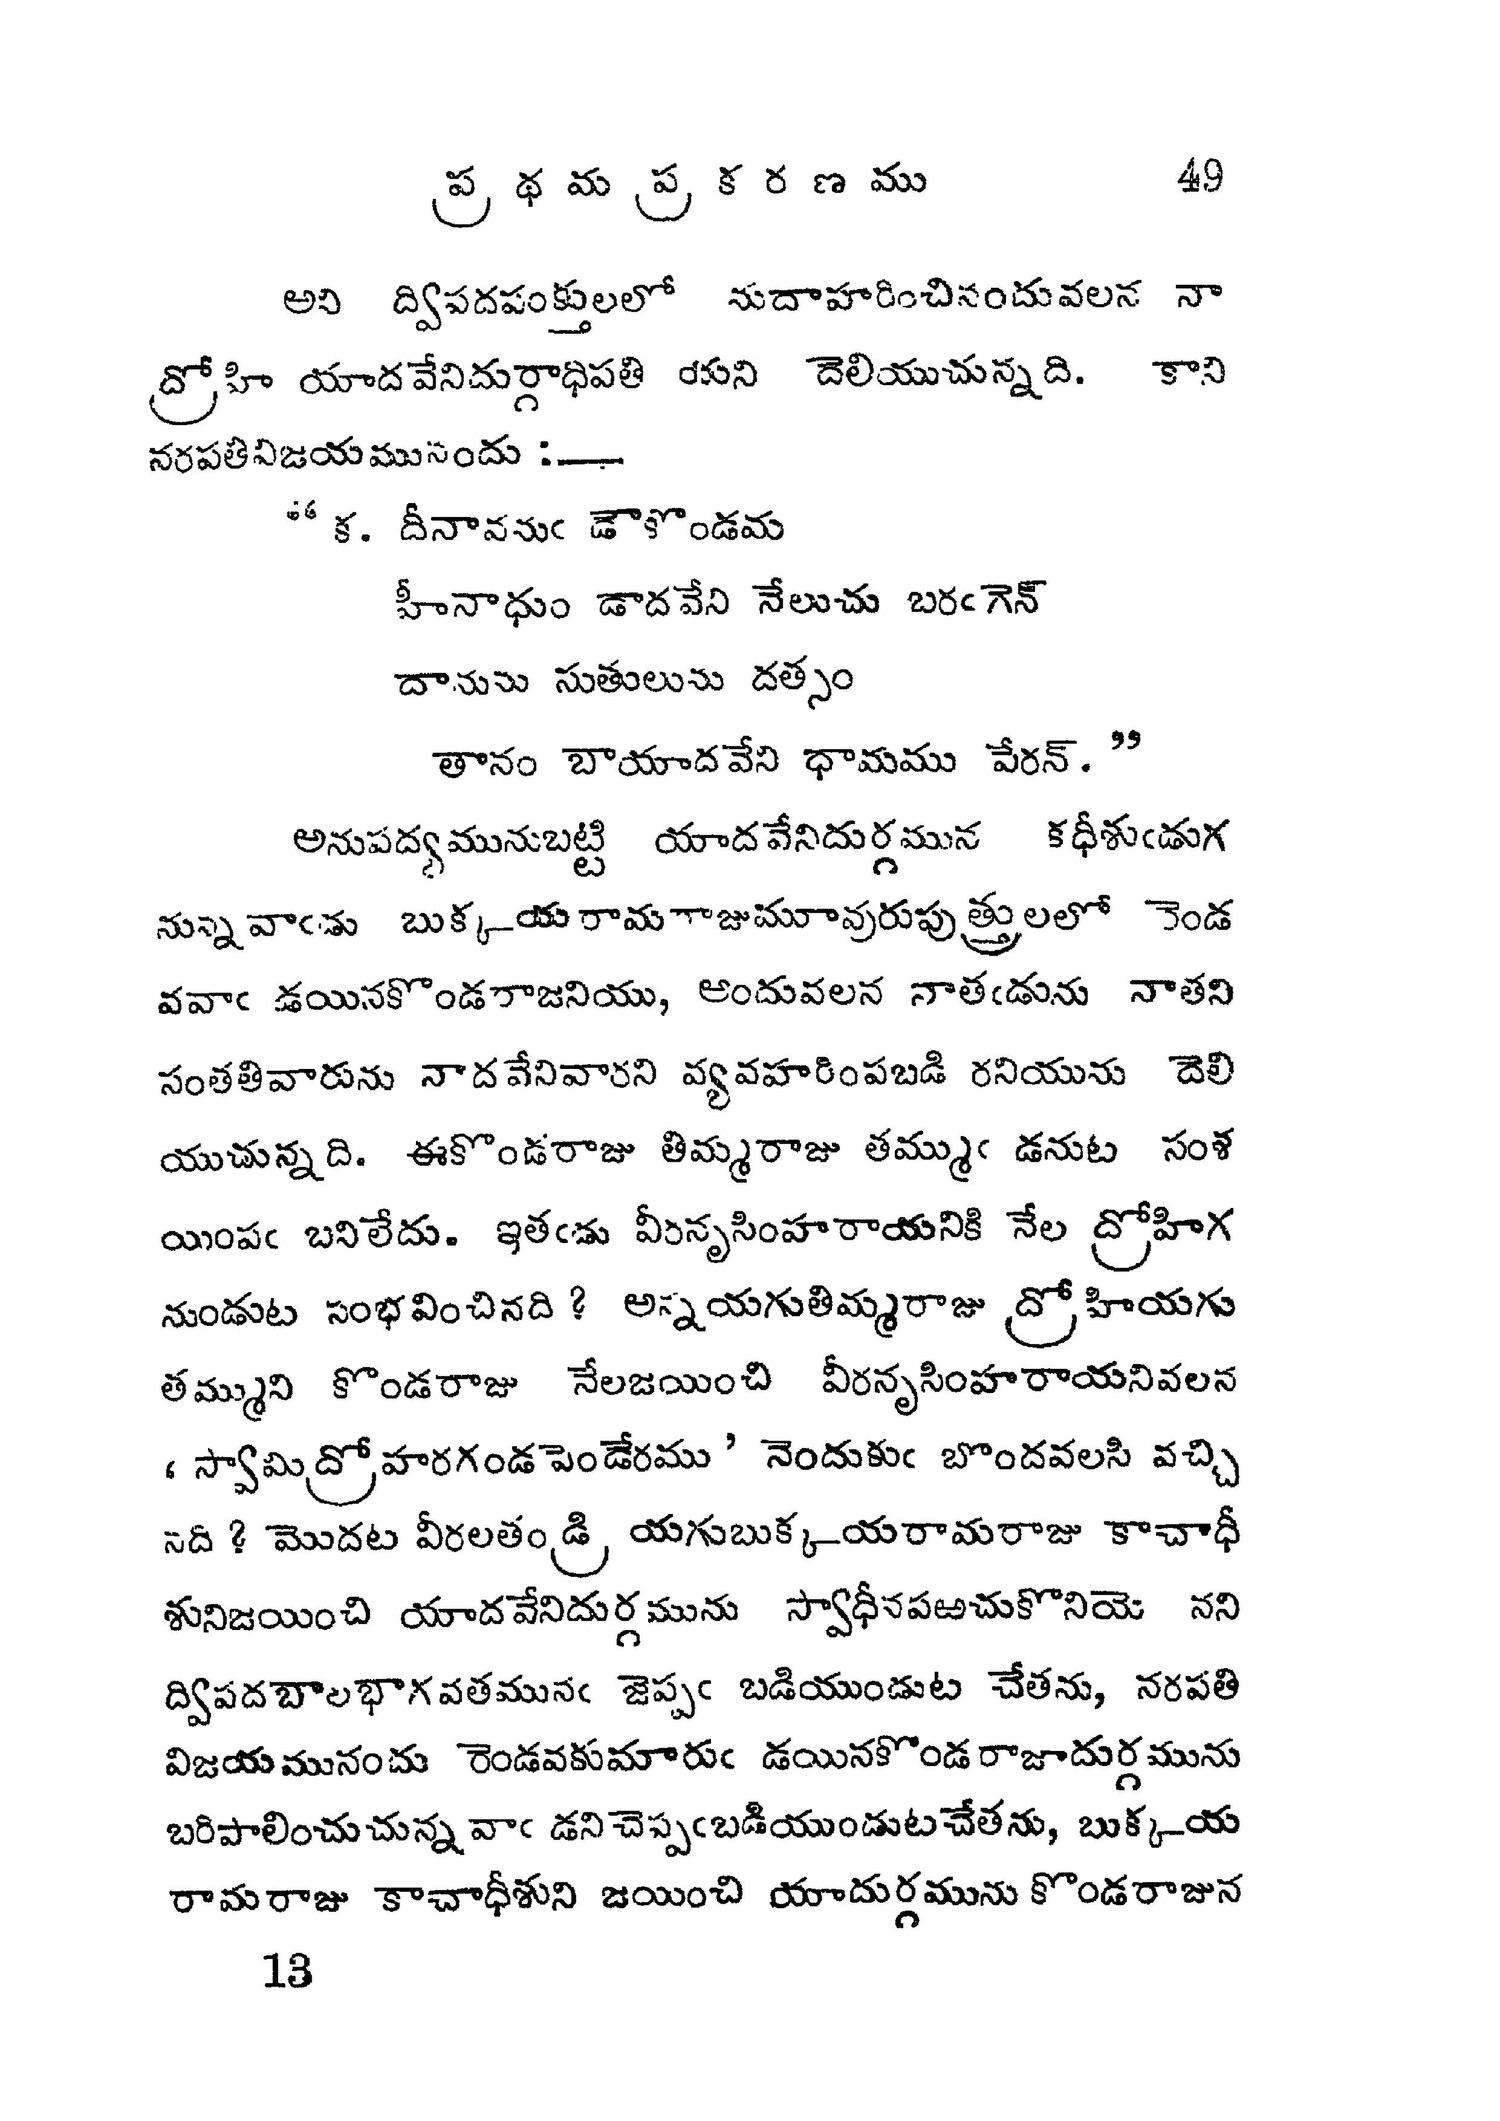అని ద్విపదపంక్తులలో నుదాహరించినందువలన నాద్రోహి యాదవేనిదుర్గాధిపతి యని దెలియుచున్నది. కాని నరపతివిజయమునందు:-

 "క. దీనావసు డౌకొండమ
 హీనాధుం డాదవేని నేలుచు బరగెన్
 దానును సుతులును దత్సం
 తానం బాయాదవేని ధామము పేరన్."

అనుపద్యమునుబట్టి యాదవేనిదుర్గమున కధీశుడుగ నున్నవాడు బుక్కయరామరాజు మూవురుపుత్త్రులలో రెండవవా డయినకొండరాజనియు, అందువలన నాతడును నాతని సంతతివారును నాదవేనివారని వ్యవహరింపబడి రనియును దెలియుచున్నది. ఈకొండరాజు తిమ్మరాజు తమ్ము డనుట సంశయింప బనిలేదు. ఇతడు వీరనృసింహరాయనికి నేల ద్రోహిగ నుండుట సంభవించినది? అన్నయగుతిమ్మరాజు ద్రోహియగు తమ్ముని కొండరాజు నేలజయించి వీరనృసింహరాయనివలన 'స్వామిద్రోహరగండపెండేరము' నెందుకు బొందవలసి వచ్చినది? మొదట వీరలతండ్రి యగుబుక్కయరామరాజు కాచాధీశునిజయించి యాదవేనిదుర్గమును స్వాధీనపఱచుకొనియె నని ద్విపదబాలభాగవతమున జెప్ప బడియుండుట చేతను, నరపతివిజయమునందు రెండవకుమారు డయినకొండరాజాదుర్గమును బరిపాలించుచున్నవా డనిచెప్పబడియుండుటచేతను, బుక్కయరామరాజు కాచాధీశుని జయించి యాదుర్గమును కొండరాజున